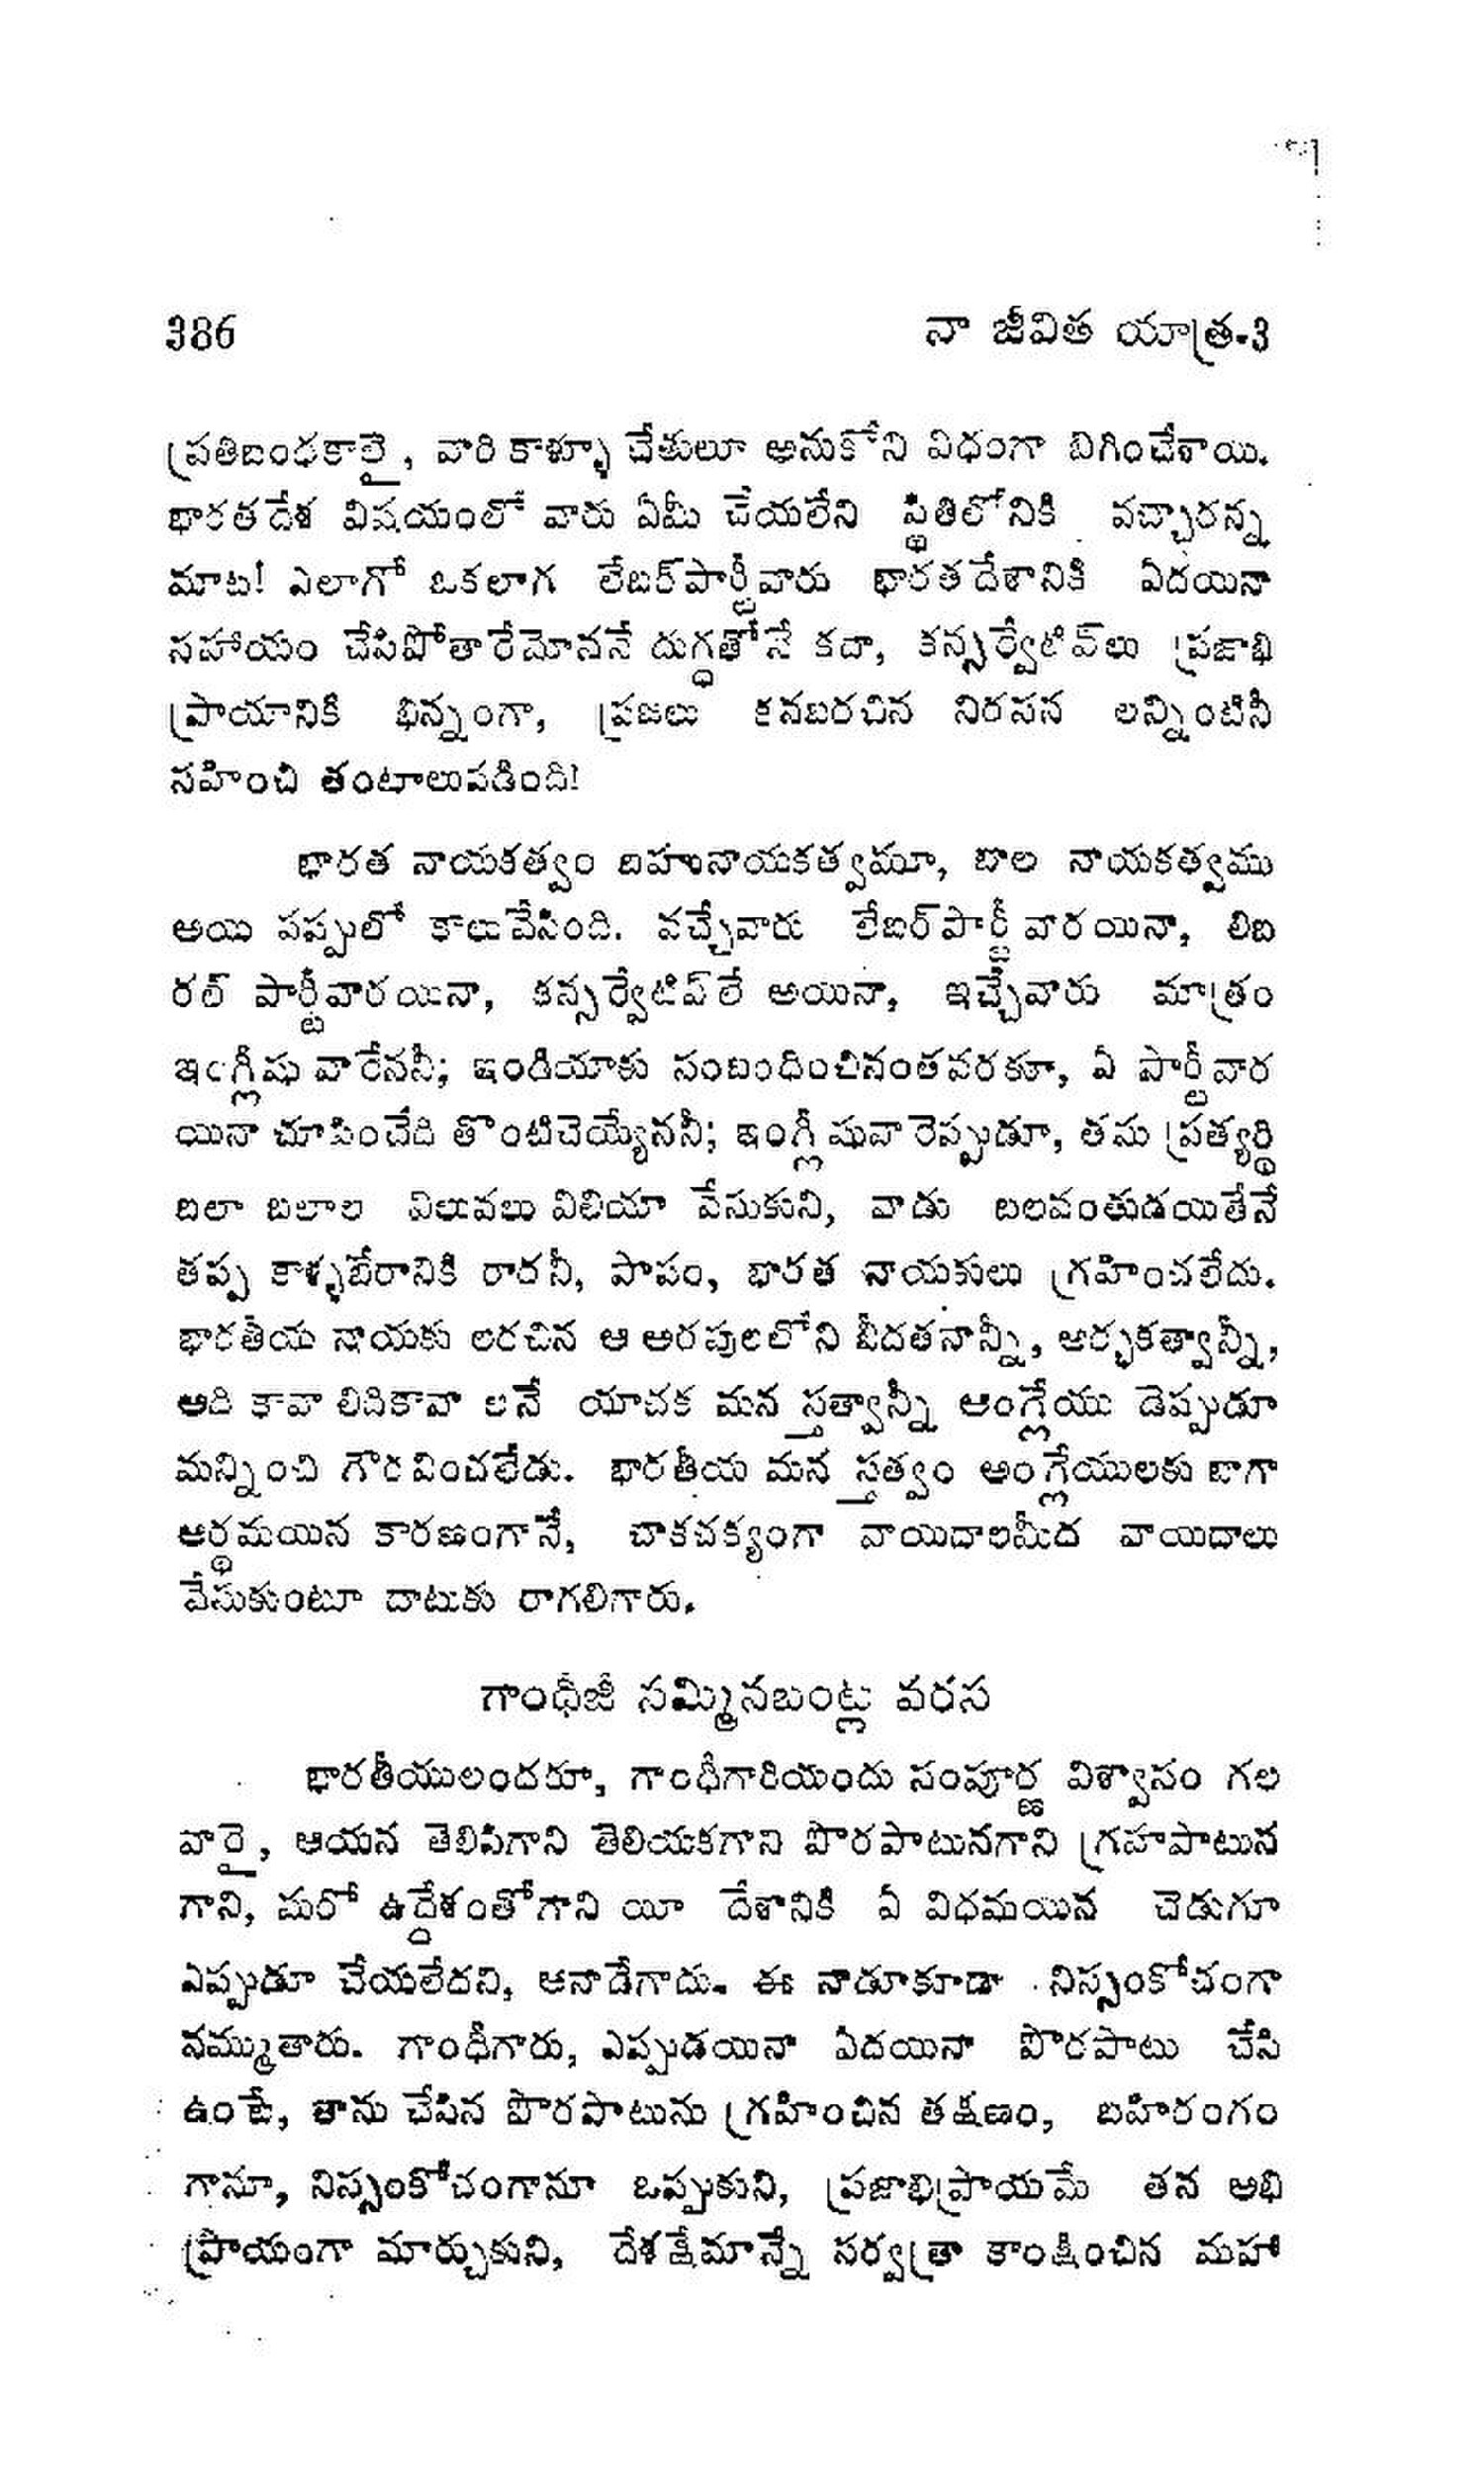ప్రతిబంధకాలై, వారి కాళ్ళూ చేతులూ అనుకోని విధంగా బిగించేశాయి. భారతదేశ విషయంలో వారు ఏమీ చేయలేని స్థితిలోనికి వచ్చారన్న మాట! ఎలాగో ఒకలాగ లేబర్‌పార్టీవారు భారతదేశానికి ఏదయినా సహాయం చేసి పోతారేమోననే దుగ్ధతోనే కదా,కన్సర్వేటివ్‌లు ప్రజాభిప్రాయానికి భిన్నంగా, ప్రజలు కనబరచిన నిరసన లన్నింటినీ సహించి తంటాలుపడింది!

భారత నాయకత్వం బహునాయకత్వమూ, బాల నాయకత్వము అయి పప్పులో కాలువేసింది. వచ్చేవారు లేబర్‌పార్టీ వారయినా, లిబరల్ పార్టీ వారయినా, కన్సర్వేటివ్‌లే అయినా, ఇచ్చేవారు మాత్రం ఇంగ్లీషు వారేననీ; ఇండియాకు సంబంధించినంతవరకూ, ఏ పార్టీవారయినా చూపించేది తొంటి చెయ్యేననీ; ఇంగ్లీషువారెప్పుడూ, తమ ప్రత్యర్థి బలా బలాల విలువలు విలియా వేసుకుని, వాడు బలవంతుడయితేనే తప్ప కాళ్ళబేరానికి రారనీ, పాపం, భారత నాయకులు గ్రహించలేదు. భారతీయ నాయకు లరచిన ఆ అరపుల లోని బీదతనాన్నీ, అర్భకత్వాన్నీ, అది కావా లిదికావా లనే యాచక మనసత్వాన్నీ ఆంగ్లేయు డెప్పుడూ మన్నించి గౌరవించలేడు. భారతీయ మనస్తత్వం ఆంగ్లేయులకు బాగా అర్థమయిన కారణంగానే, చాకచక్యంగా వాయిదాలమీద వాయిదాలు వేసుకుంటూ దాటుకు రాగలిగారు.

భారతీయులందరూ, గాంధీగారియందు సంపూర్ణ విశ్వాసం గలవారై, ఆయన తెలిసిగాని తెలియకగాని పొరపాటునగాని గ్రహపాటునగాని, మరో ఉద్దేశంతో గాని యీ దేశానికి ఏ విధమయిన చెడుగూ ఎప్పుడూ చేయలేదని, ఆనాడే గాదు - ఈ నాడూకూడా నిస్సంకోచంగా నమ్ముతారు. గాంధీగారు, ఎప్పుడయినా ఏదయినా పొరపాటు చేసిఉంటే, తాను చేసిన పొరపాటును గ్రహించిన తక్షణం, బహిరంగంగానూ, నిస్సంకోచంగానూ ఒప్పుకుని, ప్రజాభిప్రాయమే తన అభిప్రాయంగా మార్చుకుని, దేశక్షేమాన్నే సర్వత్రా కాంక్షించిన మహా